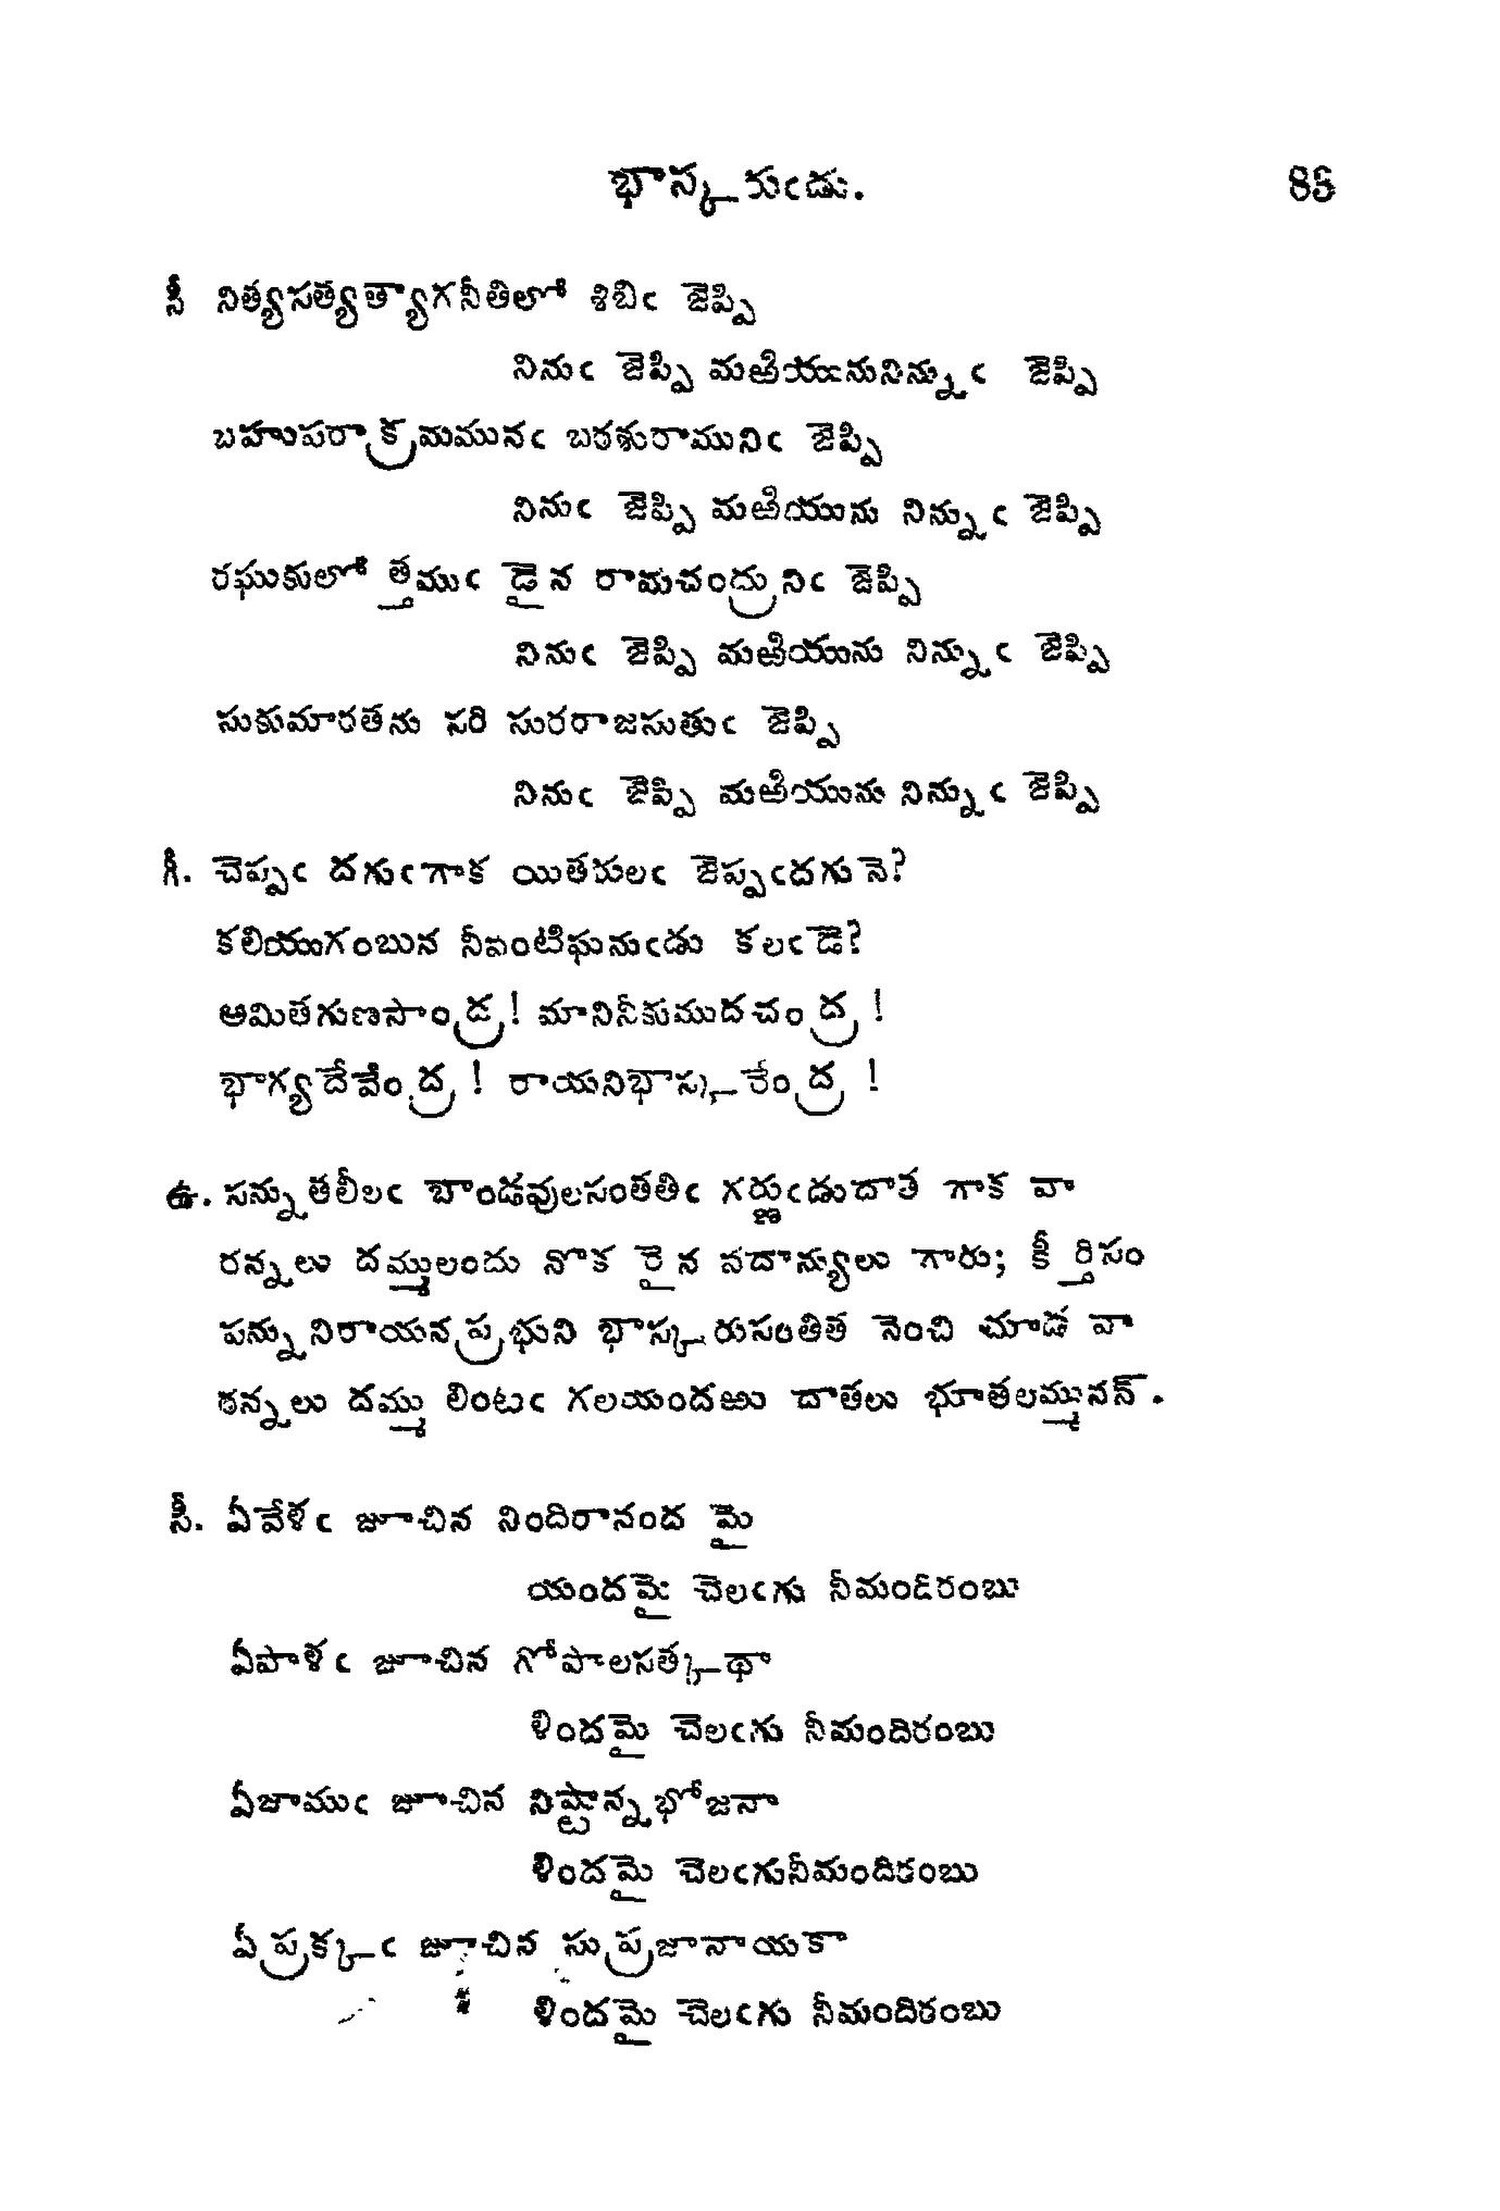సీ. నిత్యసత్యత్యాగనీతిలో శిబిఁ జెప్పి
 నినుఁ జెప్పి మఱియును నిన్నుఁ జెప్పి
 బహుపరాక్రమమునఁ బరశురామునిఁ జెప్పి
 నినుఁ జెప్పి మఱియును నిన్నుఁ జెప్పి
 రఘుకులోత్తముఁ డైన రామచంద్రునిఁ జెప్పి
 నినుఁ జెప్పి మఱియును నిన్నుఁ జెప్పి
 సుకుమారతను సరి సురరాజసుతుఁ జెప్పి
 నినుఁ జెప్పి మఱియును నిన్నుఁ జెప్పి
గీ. చెప్పఁ దగుఁగాక యితరులఁ జెప్పఁదగునె?
 కలియుగంబున నీవంటిఘనుఁడు కలఁడె?
 అమితగుణసాంద్ర! మానినీకుముదచంద్ర!
 భాగ్యదేవేంద్ర! రాయనిభాస్కరేంద్ర!
ఉ. సన్నుతలీలఁ బాండవులసంతతిఁ గర్ణుఁడు దాత గాక వా
 రన్నలు దమ్ములందు నొక రైన వదాన్యులు గారు; కీర్తిసం
 పన్నుని రాయనప్రభుని భాస్కరుసంతతి నెంచి చూడ వా
 రన్నలు దమ్ము లింటఁ గలయందఱు దాతలు భూతలమ్మునన్.
సీ. ఏవేళఁ జూచిన నిందిరానంద మై
 యందమై చెలఁగు నీమందిరంబు
 ఏపాళఁ జూచిన గోపాలసత్కథా
 ళిందమై చెలఁగు నీమందిరంబు
 ఏజాముఁ జూచిన నిష్టాన్నభోజనా
 ళిందమై చెలఁగు నీమందిరంబు
 ఏప్రక్కఁ జూచిన సుప్రజానాయకా
 ళిందమై చెలఁగు నీమందిరంబు